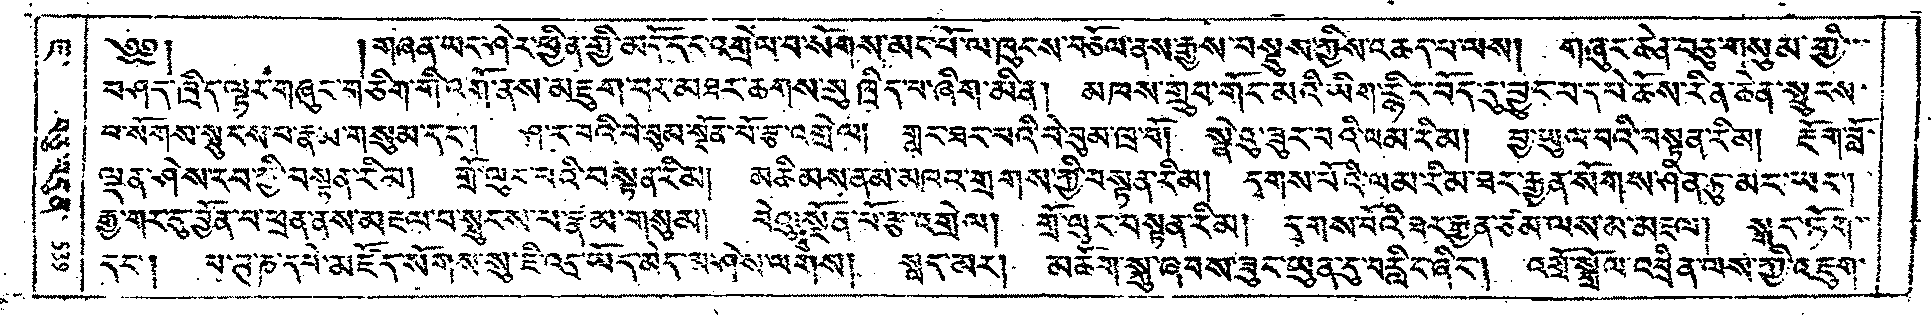༄༅། །གཞན་ཡང་ཤེར་ཕྱིན་གྱི་མདོ་དང་འགྲེལ་བ་སོགས་མང་པོ་ལ་ཁུངས་བཅོལ་ནས་རྒྱས་བསྡུས་ཀྱིས་འཆད་པ་ལས། གཞུང་ཆེན་བཅུ་གསུམ་གྱི་
བཤད་ཁྲིད་ལྟར་གཞུང་གཅིག་གི་འགོ་ནས་མཇུག་པར་མཐར་ཆགས་སུ་ཁྲིད་པ་ཞིག་མིན། མཁས་གྲུབ་གོང་མའི་ཡིག་རྙིང་བོད་དུ་བྱུང་བ་དཔེ་ཆོས་རིན་ཆེན་སྤུངས་
པ་སོགས་སྤུངས་པ་རྣམ་གསུམ་དང་། ཤ་ར་བའི་བེ་བུམ་སྔོན་པོ་རྩ་འགྲེལ། གླང་ཐར་པའི་བེ་བུམ་ཁྲ་བོ། སྣེའུ་ཟུར་བའི་ལམ་རིམ། བྱ་ཡུལ་བའི་བསྟན་རིམ། རྔོག་བློ་
ལྡན་ཤེས་རབ་ཀྱི་བསྟན་རིམ། གྲོ་ལུང་པའི་བསྟན་རིམ། མཆིམས་ནམ་མཁའ་གྲགས་ཀྱི་བསྟན་རིམ། དྭགས་པོའི་ལམ་རིམ་ཐར་རྒྱན་སོགས་ཤིན་ཏུ་མང་ཡང་།
རྒྱ་གར་དུ་བྱོན་པ་ཕྲན་ནས་མཇལ་བ་སྤུངས་པ་རྣམ་གསུམ། བེའུ་བུ་སྔོན་པོ་རྩ་འགྲེལ། གྲོ་ལུང་བསྟན་རིམ། དྭགས་པོའི་ཐར་རྒྱན་ཙམ་ལས་མ་མཇལ། སྒང་ཏོག་
དང་། པ་ཊ་ཎ་དཔེ་མཛོད་སོགས་སུ་ཇི་འདྲ་ཡོད་མེད་མ་ཤེས་ལགས། སླད་མར། མཆོག་སྐུ་ཞབས་ཟུང་ཡུན་དུ་བརླིང་ཞིང་། འགྲོ་སྒྲོལ་འཕྲིན་ལས་ཀྱི་འཇུག་